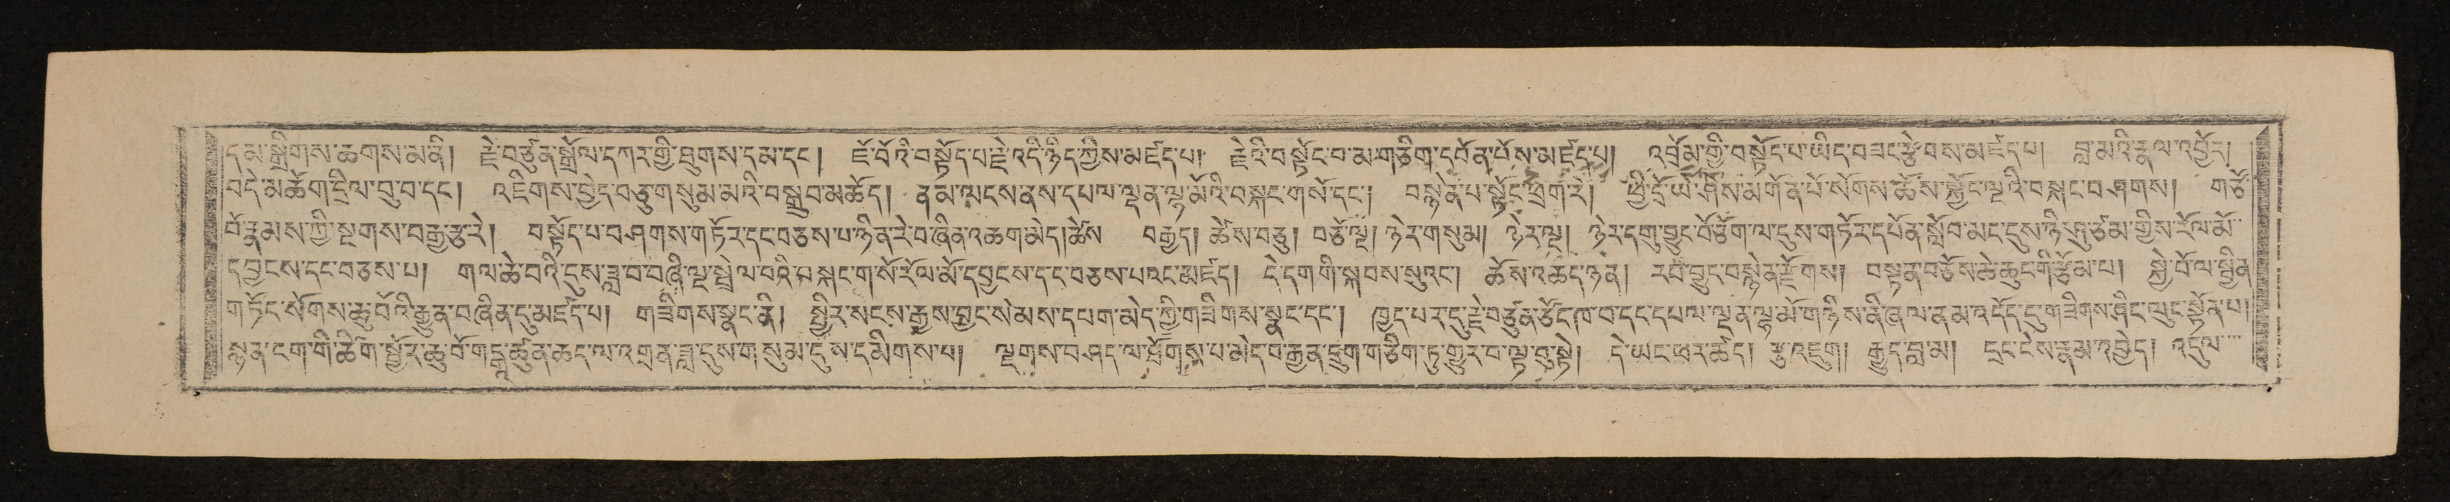དམ་སྒྲིགས་ཆགས་མ་ནི། རྗེ་བཙུན་སྒྲོལ་དཀར་གྱི་ཐུགས་དམ་དང་། ཇོ་བོའི་བསྟོད་པ་རྗེ་འདི་ཉིད་ཀྱིས་མཛད་པ། རྗེའི་བསྟོད་པ་མ་གཅིག་དབོན་པོས་མཛད་པ། འབྲོམ་གྱི་བསྟོད་པ་ཡིད་བཟང་རྩེ་བས་མཛད་པ། བླ་མའི་རྣལ་འབྱོར།
བདེ་མཆོག་དྲིལ་བུ་བ་དང་། འཇིགས་བྱེད་བཅུ་གསུམ་མའི་བསྒྲུབ་མཆོད། ནམ་ལངས་ནས་དཔལ་ལྡན་ལྷ་མོའི་བསྐང་གསོ་དང་། བསྙེན་པ་སྟོང་ཕྲག་རེ། ཕྱི་དྲོ་ཡེ་ཤེས་མགོན་པོ་སོགས་ཆོས་སྐྱོང་ལྔའི་བསྐང་བཤགས། གཙོ་
བོ་རྣམས་ཀྱི་སྔགས་བརྒྱ་རྩ་རེ། བསྟོད་པ་བཤགས་གཏོར་དང་བཅས་པ་ཉིན་རེ་བཞིན་འཆག་མེད། ཚེས་བརྒྱད། ཚེས་བཅུ། བཅོ་ལྔ། ཉེར་གསུམ། ཉེར་ལྔ། ཉེར་དགུ་བྱུང་པོ་ཅོག་ལ་དུས་གཏོར་དཔོན་སློབ་མང་དུས་ཉི་ཤུ་ཙམ་གྱིས་རོལ་མོ་
དབྱངས་དང་བཅས་པ། གལ་ཆེ་བའི་དུས་ཟླ་བ་བཞི་ལྔ་སྦྲེལ་བའི་བསྐང་གསོ་རོལ་མོ་དབྱངས་དང་བཅས་པའང་མཛད། དེ་དག་གི་སྐབས་སུའང་། ཆོས་འཆད་ཉན། རབ་བྱུང་བསྙེན་རྫོགས། བསྟན་བཅོས་ཆེ་ཆུང་གི་རྩོམ་པ། སྐྱེ་བོ་ལ་སྦྱིན་
གཏོང་སོགས་ཆུ་བོའི་རྒྱུན་བཞིན་དུ་མཛད་པ། གཟིགས་སྣང་ནི། སྤྱིར་སངས་རྒྱས་བྱང་སེམས་དཔག་མེད་ཀྱི་གཟིགས་སྣང་དང་། ཁྱད་པར་དུ་རྗེ་བཙུན་ཙོང་ཁ་པ་དང་དཔལ་ལྡན་ལྷ་མོ་གཉིས་ནི་ཞལ་ནམ་འདོད་དུ་གཟིགས་ཤིང་ལུང་སྟོན་པ་
སྙན་ངག་གི་ཚིག་སྦྱོར་ཆུ་བོ་གངྒཱ་ཚུན་ཆད་ལ་འགྲན་ཟླ་དུས་གསུམ་དུ་མ་དམིགས་པ། ལྗགས་བཤད་ལ་ཐོགས་པ་མེད་པ་རྒྱན་དྲུག་གཅིག་ཏུ་གྱུར་པ་ལྟ་བུ་སྟེ། དེ་ཡང་ཕར་ཚད། རྩ་འཇུག། རྒྱུད་བླ་མ། དྲང་ངེས་རྣམ་འབྱེད། འདུལ་